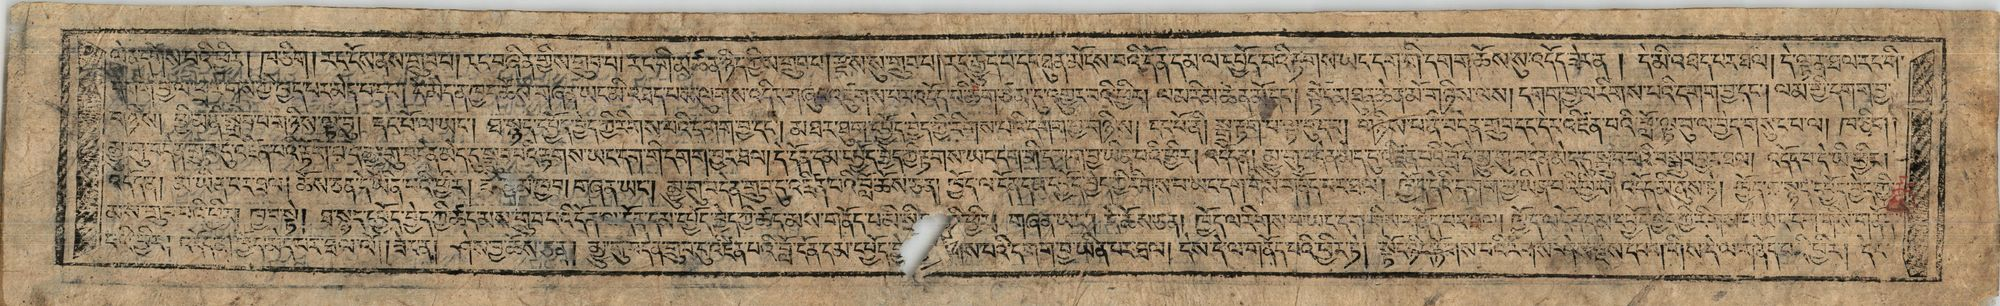ལེན་དགོས་པའི་ཕྱིར། ཁ་ཅིག །རང་ངོས་ནས་གྲུབ་པ། རང་བཞིན་གྱིས་གྲུབ་པ། རང་གི་མཚན་ཉིད་ཀྱིས་གྲུབ་པ། རྫས་སུ་གྲུབ་པ། རང་རྒྱུད་པ་དང་ཐུན་མོངས་པའི་དོན་དམ་ལ་དཔྱོད་པའི་རྟགས་ཡང་དག་གི་དགག་ཆོས་སུ་འདོད་ཟེར་ན། དེ་མི་འཐད་པར་ཐལ། དེ་ལྟ་ན་ཐལ་རང་གི་
དགག་བྱ་ལ་ཕྲ་རགས་ཀྱི་ཁྱད་པར་མེད་པ་དང་། དེ་མེད་ན་ཁྱད་ཆོས་གཞན་ཡང་མི་འཐད་པས་ལུགས་འདིར་གཞུང་འཛུགསྤར་འདོད་པ་ཚིག་ཙམ་དུ་འགྱུར་བའི་ཕྱིར། ལམ་རིམ་ཆེན་མོ་དང་། སྟོང་མཐུན་ཆེན་མོ་གཉིས་ལས། དགག་བྱ་ལ་རིགས་པའི་དགག་བྱ་དང་། ལམ་གྱི་དགག་བྱ་
གཉིས། ཕྱི་མ་ནི་སྒྲིབ་པ་གཉིས་ལྟ་བུ། དང་པོ་ལ་ཡང་། ཐ་སྙད་དཔྱོད་བྱེད་ཀྱི་རིགས་པའི་དགག་བྱ་དང་། མཐར་ཐུག་དཔྱོད་བྱེད་ཀྱི་རིགས་པའི་དགག་བྱ་གཉིས། དང་པོ་ནི། སྒྲ་རྟག་པ་ལྟ་བུ་དང་། གཉིས་པ་ནི་བདེན་གྲུབ་དང་དེར་འཛིན་པའི་བློ་ལྟ་བུ་ལ་བྱེད་གསུང་པ་ལ། ཁ་ཅིག །
མྱུ་གུ་བདེན་གྲུབ་དུ་འཛིན་པའི་རྟོག་པ་དེ་མྱུ་གུ་བདེན་མེད་དུ་སྒྲུབ་པའི་རྟགས་ཡང་དག་གི་དགག་བྱར་ཐལ། དེ་དོན་དམ་དཔྱོད་བྱེད་ཀྱི་རྟགས་ཡང་དག་གི་དགག་བྱ་ཡིན་པའི་ཕྱིར། འདོད་ན། མྱུ་གུ་བདེན་མེད་དུ་འཛིན་པའི་བློ་དེ་མྱུ་གུ་བདེན་མེད་དུ་སྒྲུབ་པའི་བསྒྲུབ་བྱར་ཐལ། འདོད་པ་དེ་ཡི་ཕྱིར།
འདོད་ན། མ་ཡིན་པར་ཐལ། ཆོས་ཅན་དེ་ཡིན་པའི་ཕྱིར། ཟེར་ན་མ་ཁྱབ། གཞན་ཡང་། མྱུ་གུ་བདེན་གྲུབ་དུ་འཛིན་པའི་བློ་ཆོས་ཅན། ཁྱོད་ལ་དོན་དམ་དཔྱོད་བྱེད་ཀྱི་རིགས་པ་ཡང་དག་གི་གནོད་པར་ཐལ། ཁྱོད་དེའི་དགག་བྱ་ཡིན་པའི་ཕྱིར། འདོད་མི་ནུས་ཏེ། ཁྱོད་ཐ་སྙད་དཔྱོད་བྱེད་ཀྱི་ཚད་
མས་གྲུབ་པའི་ཕྱིར། ཁྱབ་སྟེ། ཐ་སྙད་དཔྱོད་བྱེད་ཀྱི་ཚད་མས་གྲུབ་པའི་དོན་ལ་དོན་དམ་དཔྱོད་བྱེད་ཀྱི་ཚད་མས་གནོད་པ་མི་སྲིད་པའི་ཕྱིར། གཞན་ཡང་། དེ་ཆོས་ཅན། ཁྱོད་ལ་རིགས་པ་ཡང་དག་གིས་གནོད་པར་ཐལ། ཁྱོད་ལ་དོན་དམ་དཔྱོད་བྱེད་ཀྱི་རིགས་པ་ཡང་དག་གིས་གནོད་
པའི་ཕྱིར། འདོད་ན། ཁྱོད་མེད་པར་ཐལ་ལོ། །ཟེར་ན། ཤེས་བྱ་ཆོས་ཅན། མྱུ་གུ་བདེན་གྲུབ་དུ་འཛིན་པའི་བློ་དོན་དམ་དཔྱོད་བྱེད་ཀྱི་རིགས་པའི་དགག་བྱ་ཡིན་པར་ཐལ། དེས་དེ་ལ་གནོད་པའི་ཕྱིར་ཏེ། སྟོང་ཉིད་རྟོགས་པའི་རིགས་ཤེས་རྗེས་དཔག་གིས་དེ་ལ་གནོད་པའི་ཕྱིར། དེར་